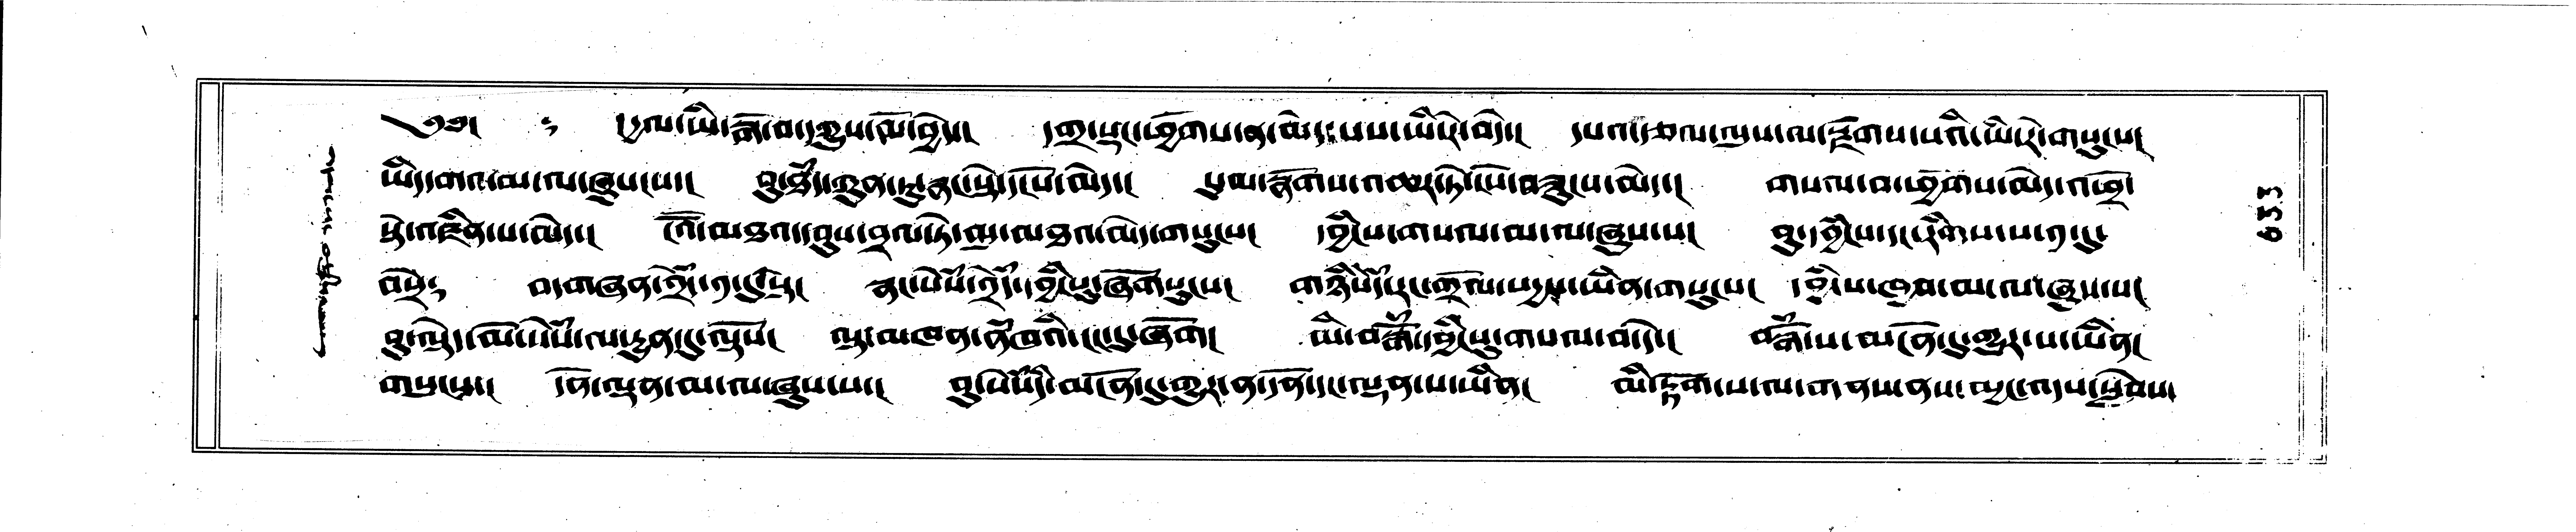རྒོད་པོས་དཀྱུས་མོ་བྱེད། སྡང་དགྲ་ཕྱོགས་ན་མེད་པས་ཡིད་རེ་བདེ། བང་རྩལ་ལུས་ལ་རྫོགས་པས་སྙིང་རེ་བླིང་‘བརླིང’གསུངས། 
ཡེ་དག་མ་ལ་ཞུས་པ། བུ་ཐམས་ཅད་ཀུན་དུ་སྣང་སྟེ་དངོས་པོ་མེད། དུ་མ་སྣ་ཚོགས་འཆར་སྟེ་ངོས་བཟུང་མེད། གསལ་བ་ཕྱོག་མེད་འཕྲོ་
སྟེ་འཛིན་པ་མེད། ངོའོ་མཐའ་དང་བྲལ་སྟེ་མུ་མཐའ་མེད་གསུངས། དབྱིངས་གསལ་མ་ལ་ཞུས་པ། བུ་དབྱིངས་དང་རིག་པ་གཅིག་དུ་
བསྲེས། བདག་གཞན་གཉིས་མེད་གཅིག་ཏུ་ལྟོས། སྣང་སེམས་གཉིས་མེད་དབྱིངས་སུ་ཞོགས། གཉིས་མེད་རང་གྲོལ་སངས་རྒྱས་ཡིན་གསུངས། དབྱིངས་བཞུགས་མ་ལ་ཞུས་པ། 
བུ་ལྟས་མོ་སེམས་ལ་རྒྱུན་དུ་ལྟོས། ལྟ་མཁན་ནམ་མཁའི་ངང་དུ་ཞོགས། མི་སྒོམ་དབྱིངས་སུ་གསལ་བ་དེ། སྒོམ་པ་མངོན་དུ་གྱུར་བ་ཡིན་
གསུངས། དོན་ལྡན་མ་ལ་ཞུས་པ། བུ་སེམས་ཉིད་མངོན་དུ་གྱུར་ན་དོན་དང་ལྡན་པ་ཡིན། མི་རྟོག་ས་ལ་སླེབ་ན་མྱང་འདས་